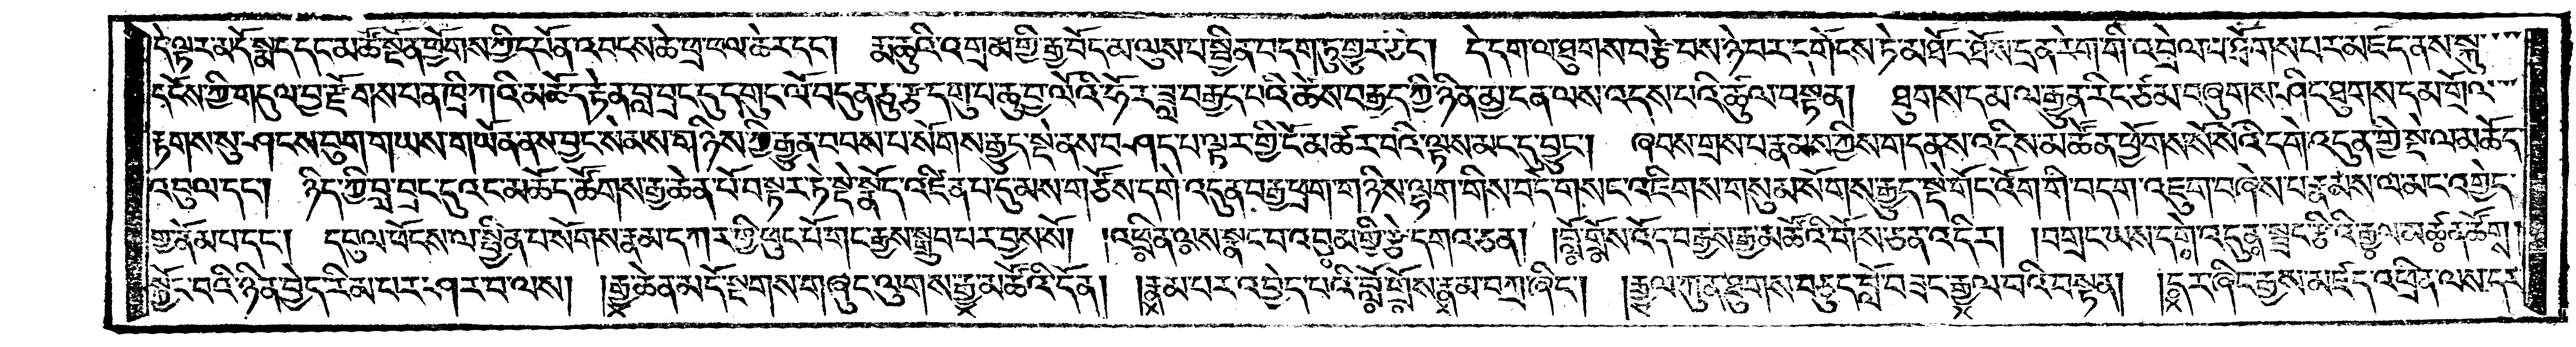དེ་ལྟར་མདོ་སྨད་དང་མཚོ་སྔོན་ཕྱོགས་ཀྱི་དཔོན་འབངས་ཆེ་ཕྲ་ཕལ་ཆེར་དང་། རྨ་ཆུའི་འགྲམ་གྱི་རྒྱ་བོད་མ་ལུས་པ་སྦྱིན་བདག་ཏུ་གྱུར་ཅིང་། དེ་དག་ལ་ཐུགས་བརྩེ་བས་ཉེ་བར་དགོངས་ཏེ་མཐོང་ཐོས་དྲན་རེག་གི་འབྲེལ་བ་ཐོགས་པར་མཛད་ནས་སྐུ་
དངོས་ཀྱི་གདུལ་བྱ་རྫོགས་པ་ན་ཁྲི་ཀའི་མཆོད་རྟེན་བླ་བྲང་དུ་དགུང་ལོ་བདུན་ཅུ་རྩ་དགུ་པ་ཆུ་བྱ་ལོའི་ཧོར་ཟླ་བརྒྱད་པའི་ཚེས་བརྒྱད་ཀྱི་ཉིན་མྱ་ངན་ལས་འདས་པའི་ཚུལ་བསྟན། ཐུགས་དམ་ལ་རྒྱུན་རིང་ཙམ་བཞུགས་ཤིང་ཐུགས་དམ་གྲོལ་
རྟགས་སུ་ཤངས་བུག་གཡས་གཡོན་ནས་བྱང་སེམས་གཉིས་ཀྱི་རྒྱུན་བབས་པ་སོགས་རྒྱུད་སྡེ་ནས་བཤད་པ་ལྟར་གྱི་ངོ་མཚར་བའི་ལྟས་མང་དུ་བྱུང་། ཞབས་གྲས་པ་རྣམས་ཀྱིས་གདན་ས་འདིས་མཚོན་ཕྱོགས་སོ་སོའི་དགེ་འདུན་གྱི་སྡེ་ལ་མཆོད་
འབུལ་དང་། ཉིད་ཀྱི་བླ་བྲང་དུའང་མཆོད་ཚོགས་རྒྱ་ཆེན་པོ་བསྟར་ཏེ་སྡེ་སྣོད་འཛིན་པ་དུམས་གཅོས་དགེ་འདུན་བརྒྱ་ཕྲག་གཉིས་ལྷག་གིས་བདེ་གསང་འཇིགས་གསུམ་སོགས་རྒྱུད་སྡེ་གོང་འོག་གི་བདག་འཇུག་བཞེས་པ་རྣམས་ལ་མང་འགྱེད་
གྱ་ནོམ་བ་དང་། དབུལ་ཕོངས་ལ་སྦྱིན་པ་སོགས་རྣམ་དཀར་གྱི་ཕུང་པོ་གང་རྒྱས་སྒྲུབ་པར་བྱས་སོ། །འཕྲིན྾་ལས྾་སྣང་བ་འབུམ྾་གྱི་རྩེ་དགའ་ཅན། །བློ྾་གྲོས྾་འོད་བརྒྱས་རྒྱ་མཚོའི་གོས་ཅན་འདིར། །བགྲང་ཡས་དགེ་འདུན་སྦྲང་རྩིའི་རྒྱལ྾་མཚན྾་ཚོགས།
སྐྱོང་བའི་ཉིན་བྱེད་རིམ་པར་ཤར་བ་ལས། །རྒྱ྾་ཆེན་མདོ་སྔགས་གཞུང་ལུགས་རྒྱ྾་མཚོའི་དོན། །རྣམ྾་པར་འབྱེད་པའི་བློ྾་གྲོས྾་རྣམ྾་བཀྲ་ཞིང་། །རྒྱལ྾་ཀུན་ཐུགས་བཅུད་བློ་བཟང་རྒྱལ྾་བའི་བསྟན། །དར྾྾་ཞིང་རྒྱས་མཛད་འཕྲིན་ལས་དར྾་